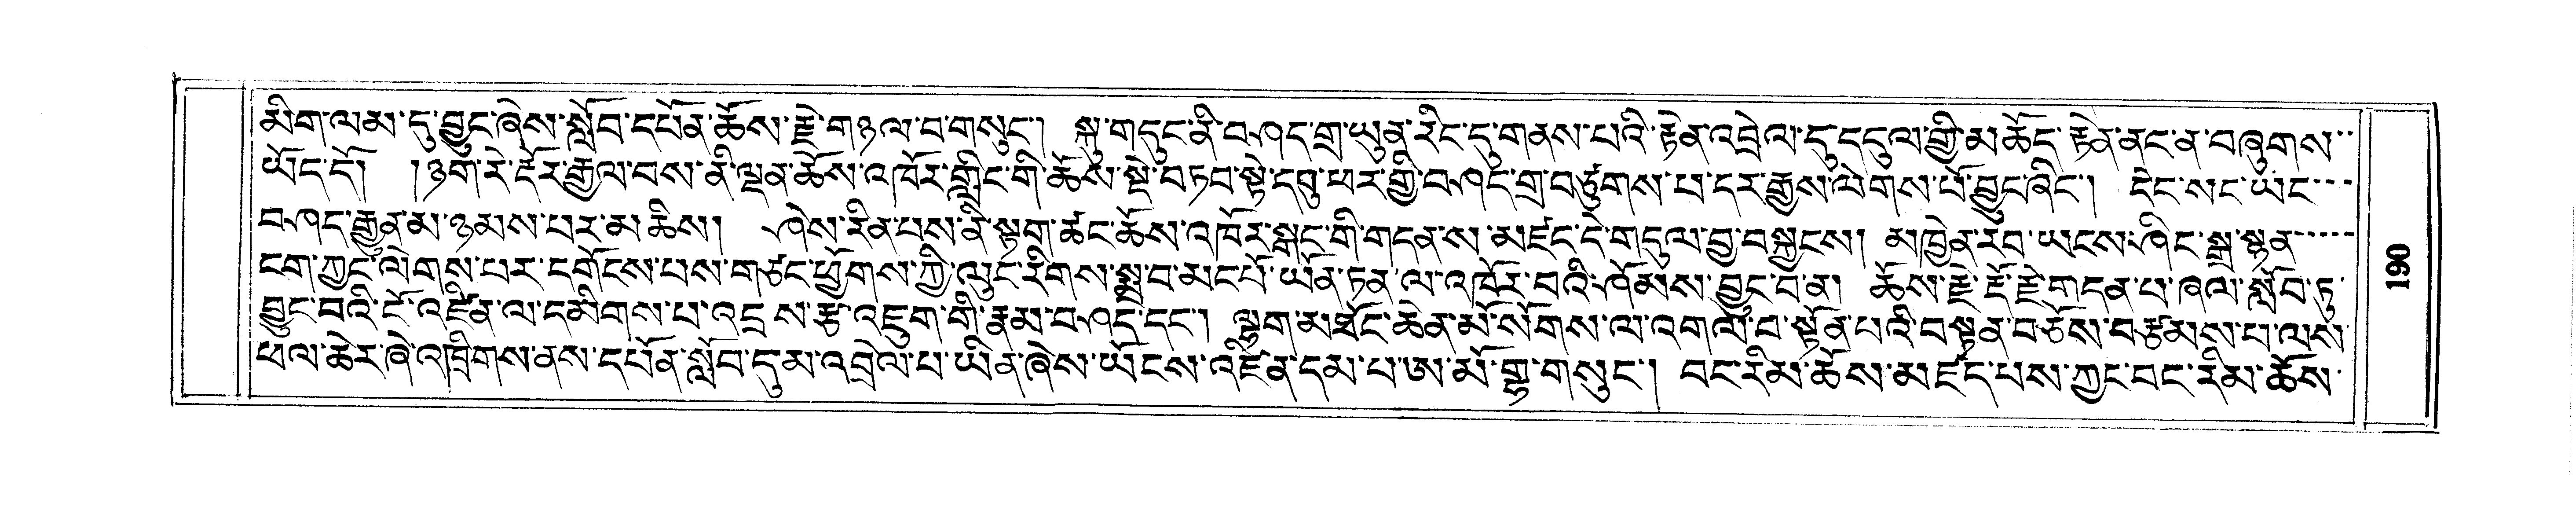མིག་ལམ་དུ་བྱུང་ཞེས་སློབ་དཔོན་ཆོས་རྗེ་གཉལ་བ་གསུང་། སྐུ་གདུང་ནི་བཤད་གྲ་ཡུན་རིང་དུ་གནས་པའི་རྟེན་འབྲེལ་དུ་དངུལ་གྱི་མཆོད་རྟེན་ནང་ན་བཞུགས་
ཡོད་དོ། །ཉག་རེ་རྡོར་རྒྱལ་བས་ནི་ལྡན་ཆོས་འཁོར་གླིང་གི་ཆོས་སྡེ་བཏབ་སྟེ་དབུ་ཕར་གྱི་བཤད་གྲ་བཙུགས་པ་དར་རྒྱས་ལེགས་པོ་བྱུང་ཞིང་། དེང་སང་ཡང་
བཤད་རྒྱུན་མ་ཉམས་པར་མཆིས། ཤེས་རིན་པས་ནི་སྟག་ཚང་ཆོས་འཁོར་སྒང་གི་གདན་ས་མཛད་དེ་གདུལ་བྱ་བསྐྱང་། མཁྱེན་རབ་ཡངས་ཤིང་སྒྲ་སྙན་
ངག་ཀྱང་ལེགས་པར་དགོངས་པས་གཙང་ཕྱོགས་ཀྱི་ལུང་རིགས་སྨྲ་བ་མང་པོ་ཡོན་ཏན་ལ་འཁོར་པའི་ཤོམས་བྱུང་བ་ན། ཆོས་རྗེ་རྡོ་རྗེ་གདན་པ་ཞལ་སློབ་ཏུ་
བྱུང་བའི་ངོ་འཛིན་ལ་དམིགས་པ་འདྲས་རྩ་འཇུག་གི་རྣམ་བཤད་དང་། ལྷག་མཐོང་ཆེན་མོ་སོགས་ལ་འགལ་བ་སྟོན་པའི་བསྟན་བཅོས་བརྩམས་པ་ལས་ཕལ་ཆེར་ཞེ་འཁྲིགས་ནས་དཔོན་སློབ་དུ་མ་འབྲེལ་པ་ཡིན་ཞེས་ཡོངས་འཛིན་དམ་པ་ཨ་མོ་གྷ་གསུང་། བང་རིམ་ཆོས་མཛད་པས་ཀྱང་བང་རིམ་ཆོ་